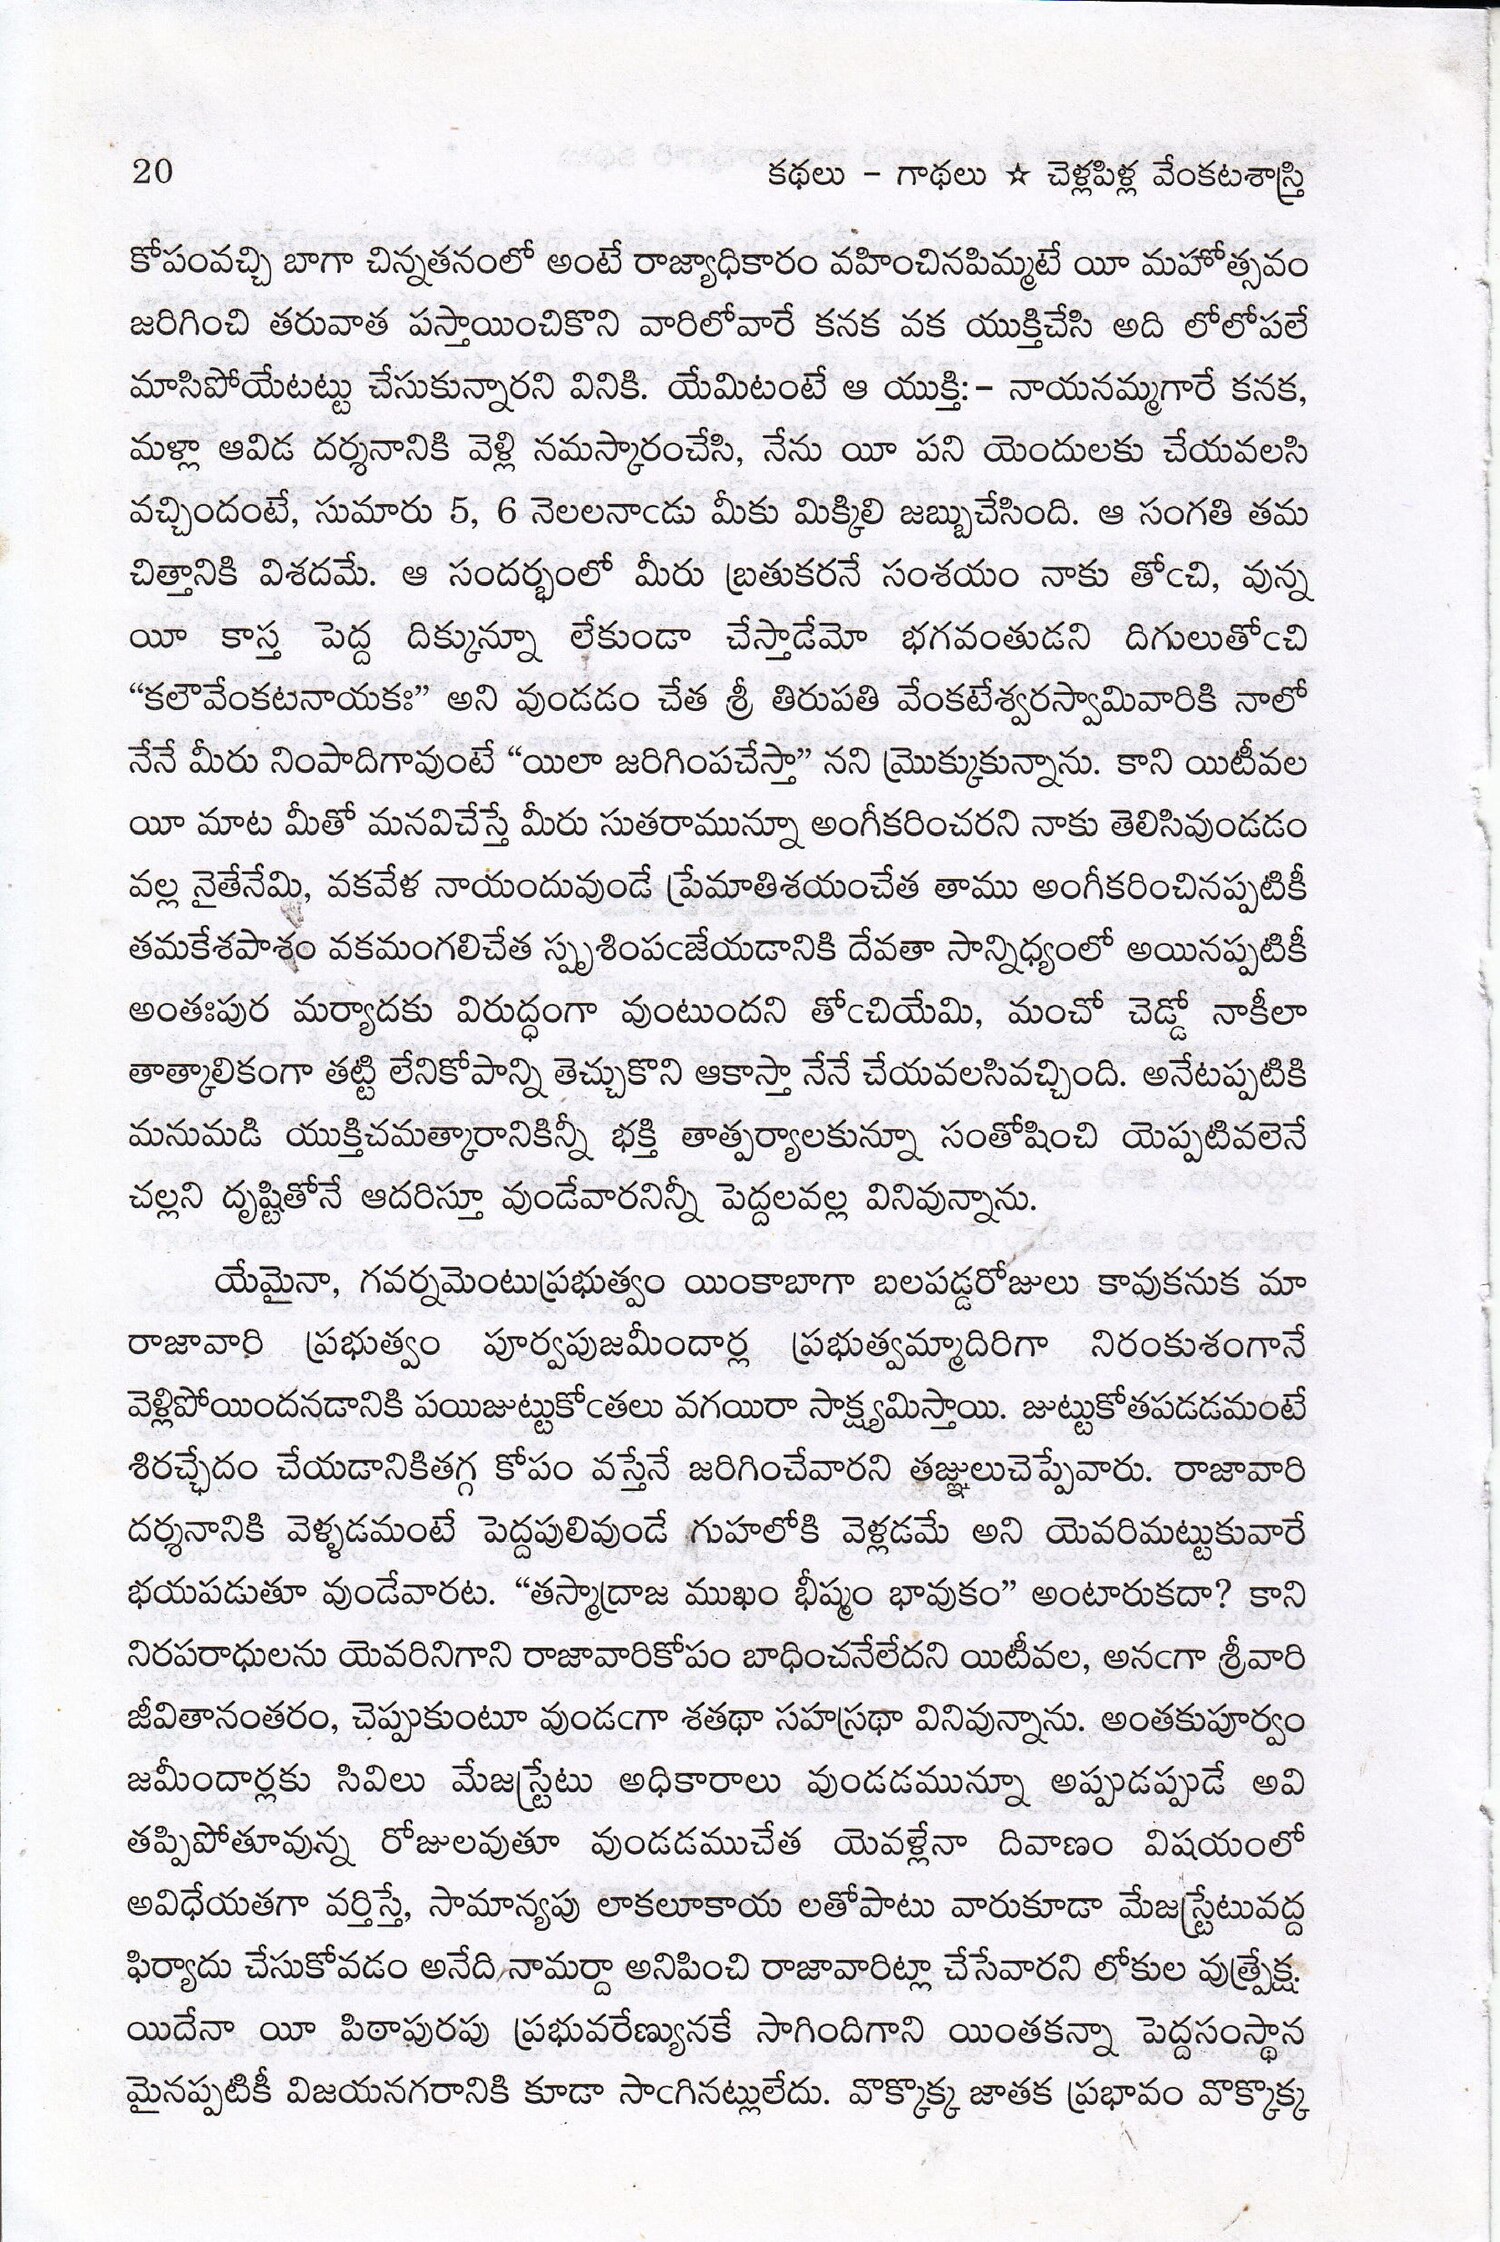కోపంవచ్చి బాగా చిన్నతనంలో అంటే రాజ్యాధికారం వహించినపిమ్మటే యీ మహోత్సవం జరిగించి తరువాత పస్తాయించికొని వారిలోవారే కనక వక యుక్తిచేసి అది లోలోపలే మాసిపోయేటట్టు చేసుకున్నారని వినికి. యేమిటంటే ఆ యుక్తి- నాయనమ్మగారే కనక, మళ్లా ఆవిడ దర్శనానికి వెళ్లి నమస్కారంచేసి, నేను యీ పని యెందులకు చేయవలసి వచ్చిందంటే, సుమారు 5, 6 నెలలనాండు మీకు మిక్కిలి జబ్బుచేసింది. ఆ సంగతి తమ చిత్తానికి విశదమే. ఆ సందర్భంలో మీరు బ్రతుకరనే సంశయం నాకు తోఁచి, వున్న యీ కాస్త పెద్ద దిక్కున్నూ లేకుండా చేస్తాడేమో భగవంతుడని దిగులుతోంచి “కలౌవేంకటనాయక" అని వుండడం చేత శ్రీ తిరుపతి వేంకటేశ్వరస్వామివారికి నాలో నేనే మీరు నింపాదిగావుంటే “యిలా జరిగింపచేస్తా" నని మొక్కుకున్నాను. కాని యిటీవల యీ మాట మీతో మనవిచేస్తే మీరు సుతరామున్నూ అంగీకరించరని నాకు తెలిసివుండడం వల్ల నైతేనేమి, వకవేళ నాయందువుండే ప్రేమాతిశయంచేత తాము అంగీకరించినప్పటికీ తమకేశపాశం వకమంగలిచేత స్పృశింపఁజేయడానికి దేవతా సాన్నిధ్యంలో అయినప్పటికీ అంతఃపుర మర్యాదకు విరుద్ధంగా వుంటుందని తోcచియేమి, మంచో చెడ్డో నాకీలా తాత్కాలికంగా తట్టి లేనికోపాన్ని తెచ్చుకొని ఆకాస్తా నేనే చేయవలసివచ్చింది. అనేటప్పటికి మనుమడి యుక్తిచమత్కారానికిన్నీ భక్తి తాత్పర్యాలకున్నూ సంతోషించి యొప్పటివలెనే చల్లని దృష్టితోనే ఆదరిస్తూ వుండేవారనిన్నీ పెద్దలవల్ల వినివున్నాను.

యేమైనా, గవర్నమెంటుప్రభుత్వం యింకాబాగా బలపడ్డరోజులు కావకనుక మా రాజావారి ప్రభుత్వం పూర్వపుజమీందార్ల ప్రభుత్వమ్మాదిరిగా నిరంకుశంగానే వెళ్లిపోయిందనడానికి పయిజుట్టుకోంతలు వగయిరా సాక్ష్యమిస్తాయి. జుట్టుకోతపడడమంటే శిరచ్ఛేదం చేయడానికితగ్గ కోపం వస్తేనే జరిగించేవారని తజ్ఞలుచెప్పేవారు. రాజావారి దర్శనానికి వెళ్ళడమంటే పెద్దపులివుండే గుహలోకి వెళ్లడమే అని యెవరిమట్టుకువారే భయపడుతూ వుండేవారట. “తస్మాద్రాజ ముఖం భీష్మం భావుకం" అంటారుకదా? కాని నిరపరాధులను యెవరినిగాని రాజావారికోపం బాధించనేలేదని యిటీవల, అనంగా శ్రీవారి జీవితానంతరం, చెప్పకుంటూ వుండంగా శతథా సహస్రథా వినివున్నాను. అంతకుపూర్వం జమీందార్లకు సివిలు మేజఫ్రేటు అధికారాలు వుండడమున్నూ అప్పడప్పుడే అవి తప్పిపోతూవున్న రోజులవుతూ వుండడముచేత యొవళ్లేనా దివాణం విషయంలో అవిధేయతగా వర్తిస్తే, సామాన్యపు లాకలూకాయ లతోపాటు వారుకూడా మేజస్టేటువద్ద ఫిర్యాదు చేసుకోవడం అనేది నామర్గా అనిపించి రాజావారిట్గా చేసేవారని లోకుల వుత్ర్పేక్ష యిదేనా యీ పిఠాపురపు ప్రభువరేణ్యునకే సాగిందిగాని యింతకన్నా పెద్దసంస్థాన మైనప్పటికీ విజయనగరానికి కూడా సాంగినట్లులేదు. వొక్కొక్క జాతక ప్రభావం వొక్కొక్క